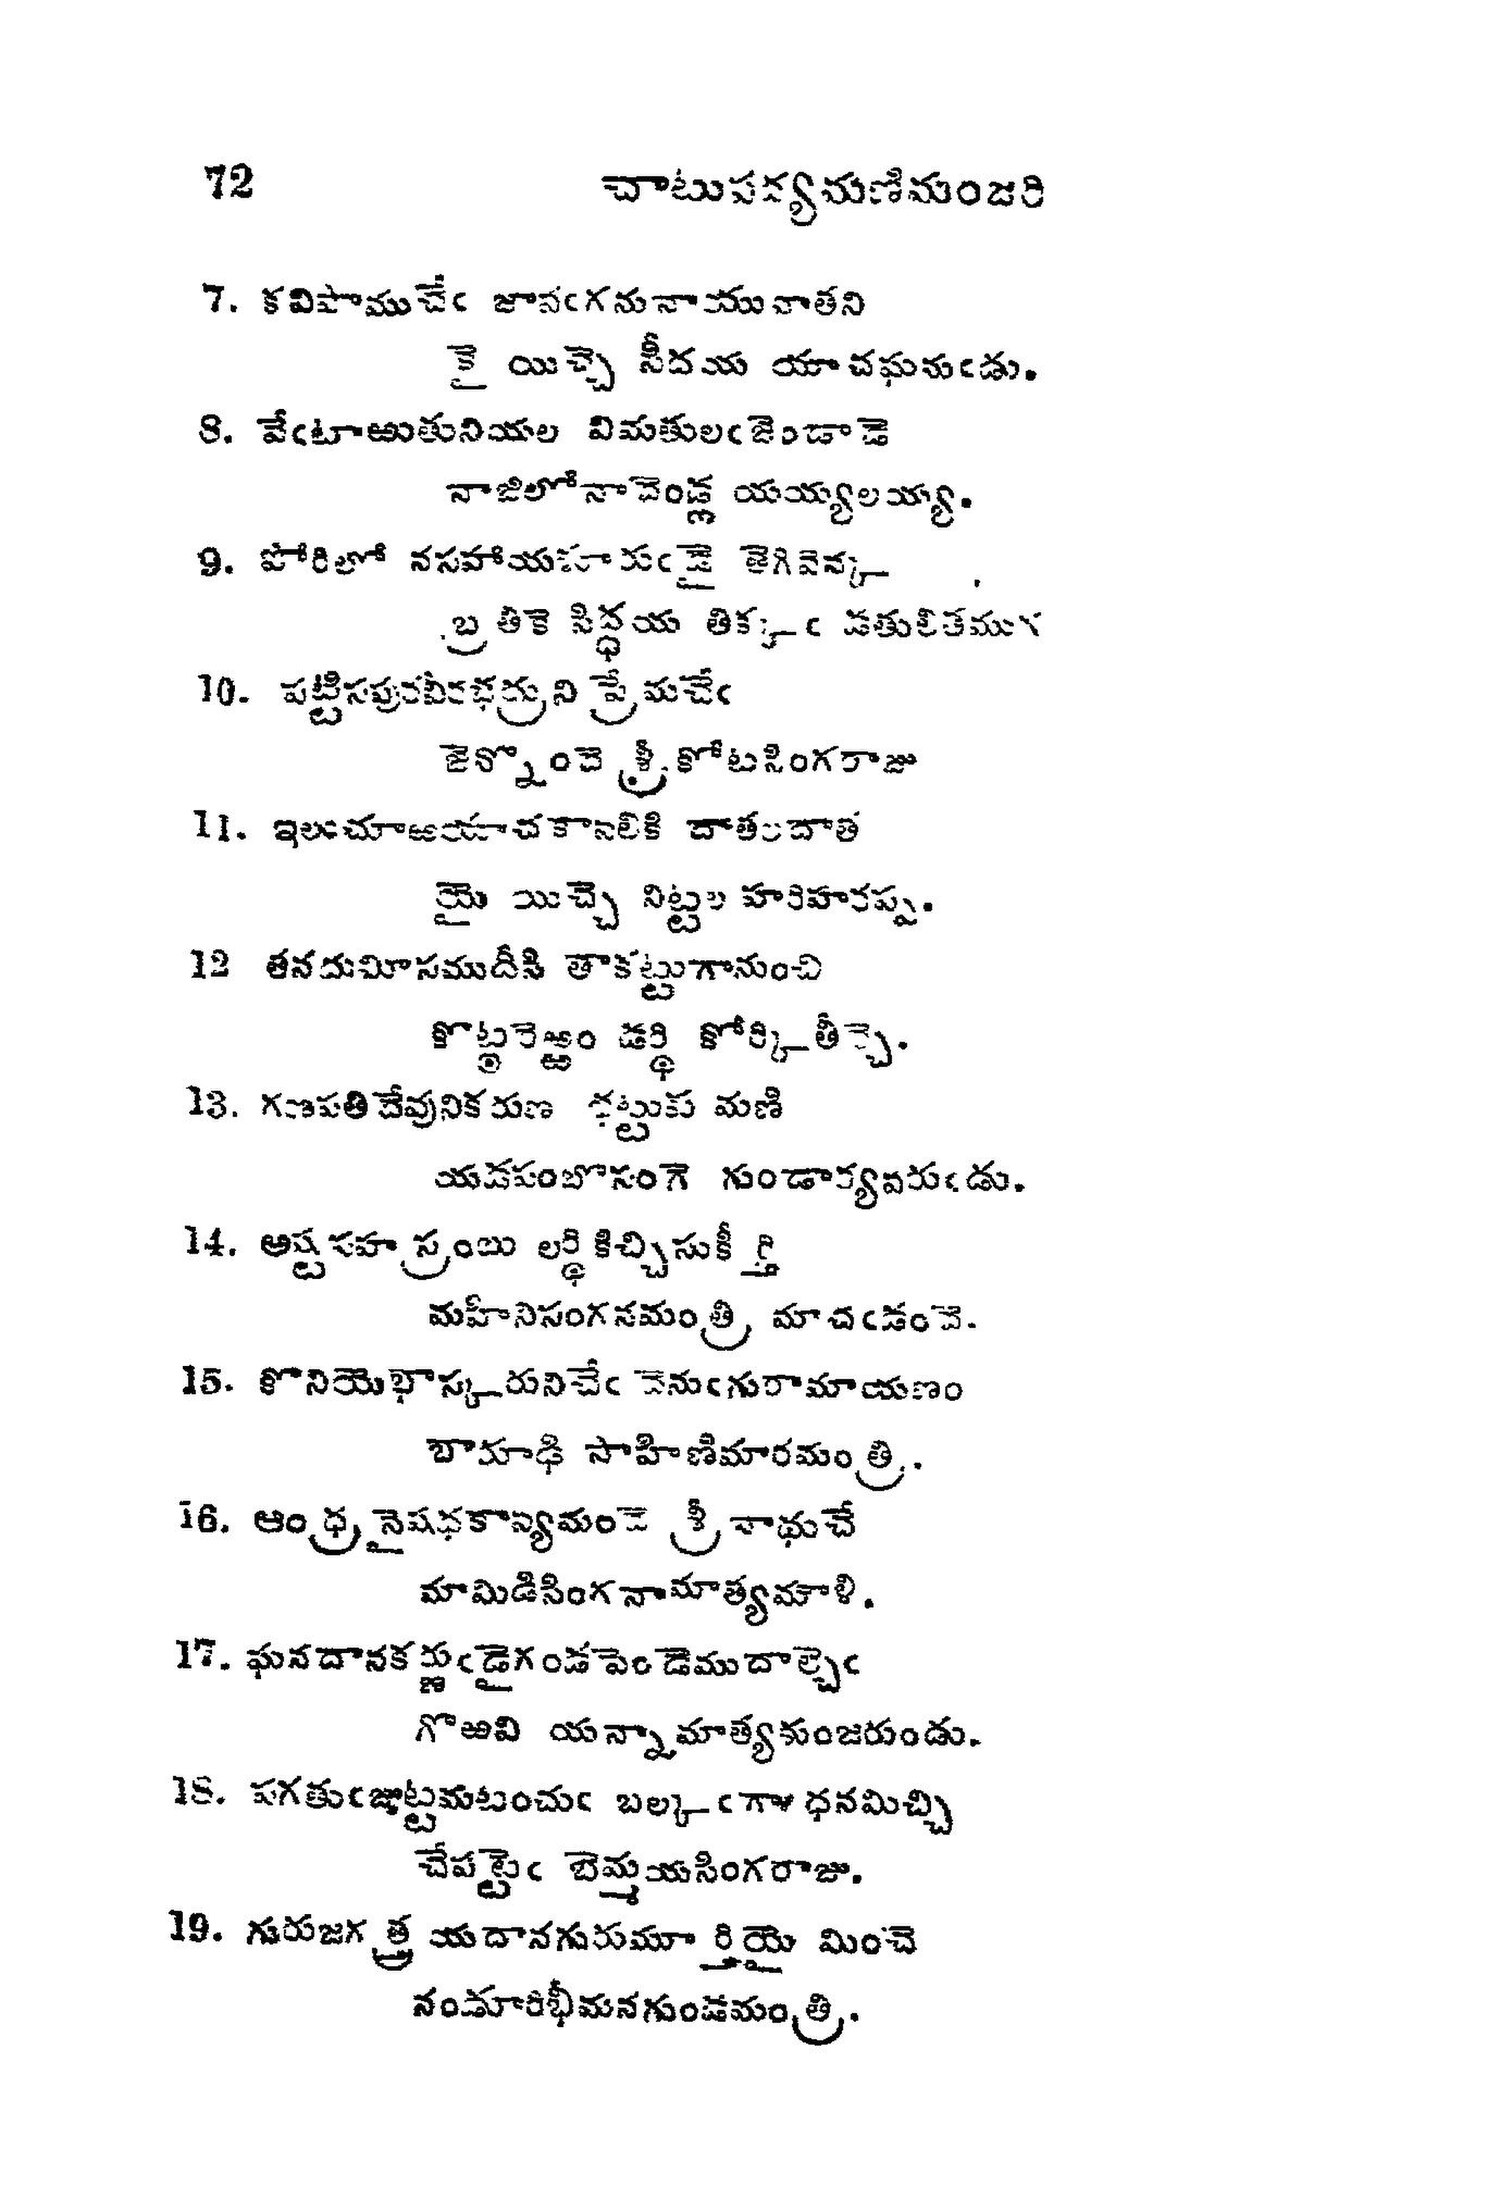7. కవిపాముచేఁ జావఁగనునాయువాతని
 కై యిచ్చె సీదయ యాచఘనుఁడు
8. వేఁటాఱుతునియల విమతులఁ జెండాడె
 నాజిలో నాదెండ్ల యయ్యలయ్య
9. పోరిలో నసహాయశూరుఁడై తెగివెన్క
 బ్రతికె సిద్ధయ తిక్కఁ డతులితముగ
10. పట్టిసపుర వీరభద్రుని ప్రేమచేఁ
 జెన్నొందె శ్రీకోటసింగరాజు
11. ఇలుచూఱ యాచకావలికి దాతలదాత
 యై యిచ్చెనిట్టల హరిహరిప్ప
12. తనదుమీసము దీసి తాకట్టుగా నుంచి
 కొర్ఠ రెఱ్ఱం డర్థి కోర్కె తీర్చె
13. గణపతిదేవుని కరుణభట్టుకుమణి
 యడపం బొసంగె గూడార్యవరుఁడు
14. అష్టసహస్రంబు లర్థి కిచ్చి సుకీర్తి
 మహిని సింగనమంత్రి మాచఁ డందె
15. కొనియె భాస్కరునిచేఁ దెనుఁగురామాయణం
 బారూఢిసాహిణి మారమంత్రి
16. ఆంధ్రనైషధకావ్య మందె శ్రీనాథుచే
 మామిడి సింగనామాత్యమౌళి
17. ఘనదానకర్ణుఁడై గండపెండెము దాల్చెఁ
 గొఱవియన్నామాత్య కుంజరుండు
18. పగతుఁజుట్ట మటంచుఁ బల్కఁగా ధన మిచ్చి
 చేపట్టెఁ బెమ్మయసింగరాజు
19. గురుజగత్త్రయదాన గురుమూర్తియై మించె
 నండూరి భీమన గుండమంత్రి